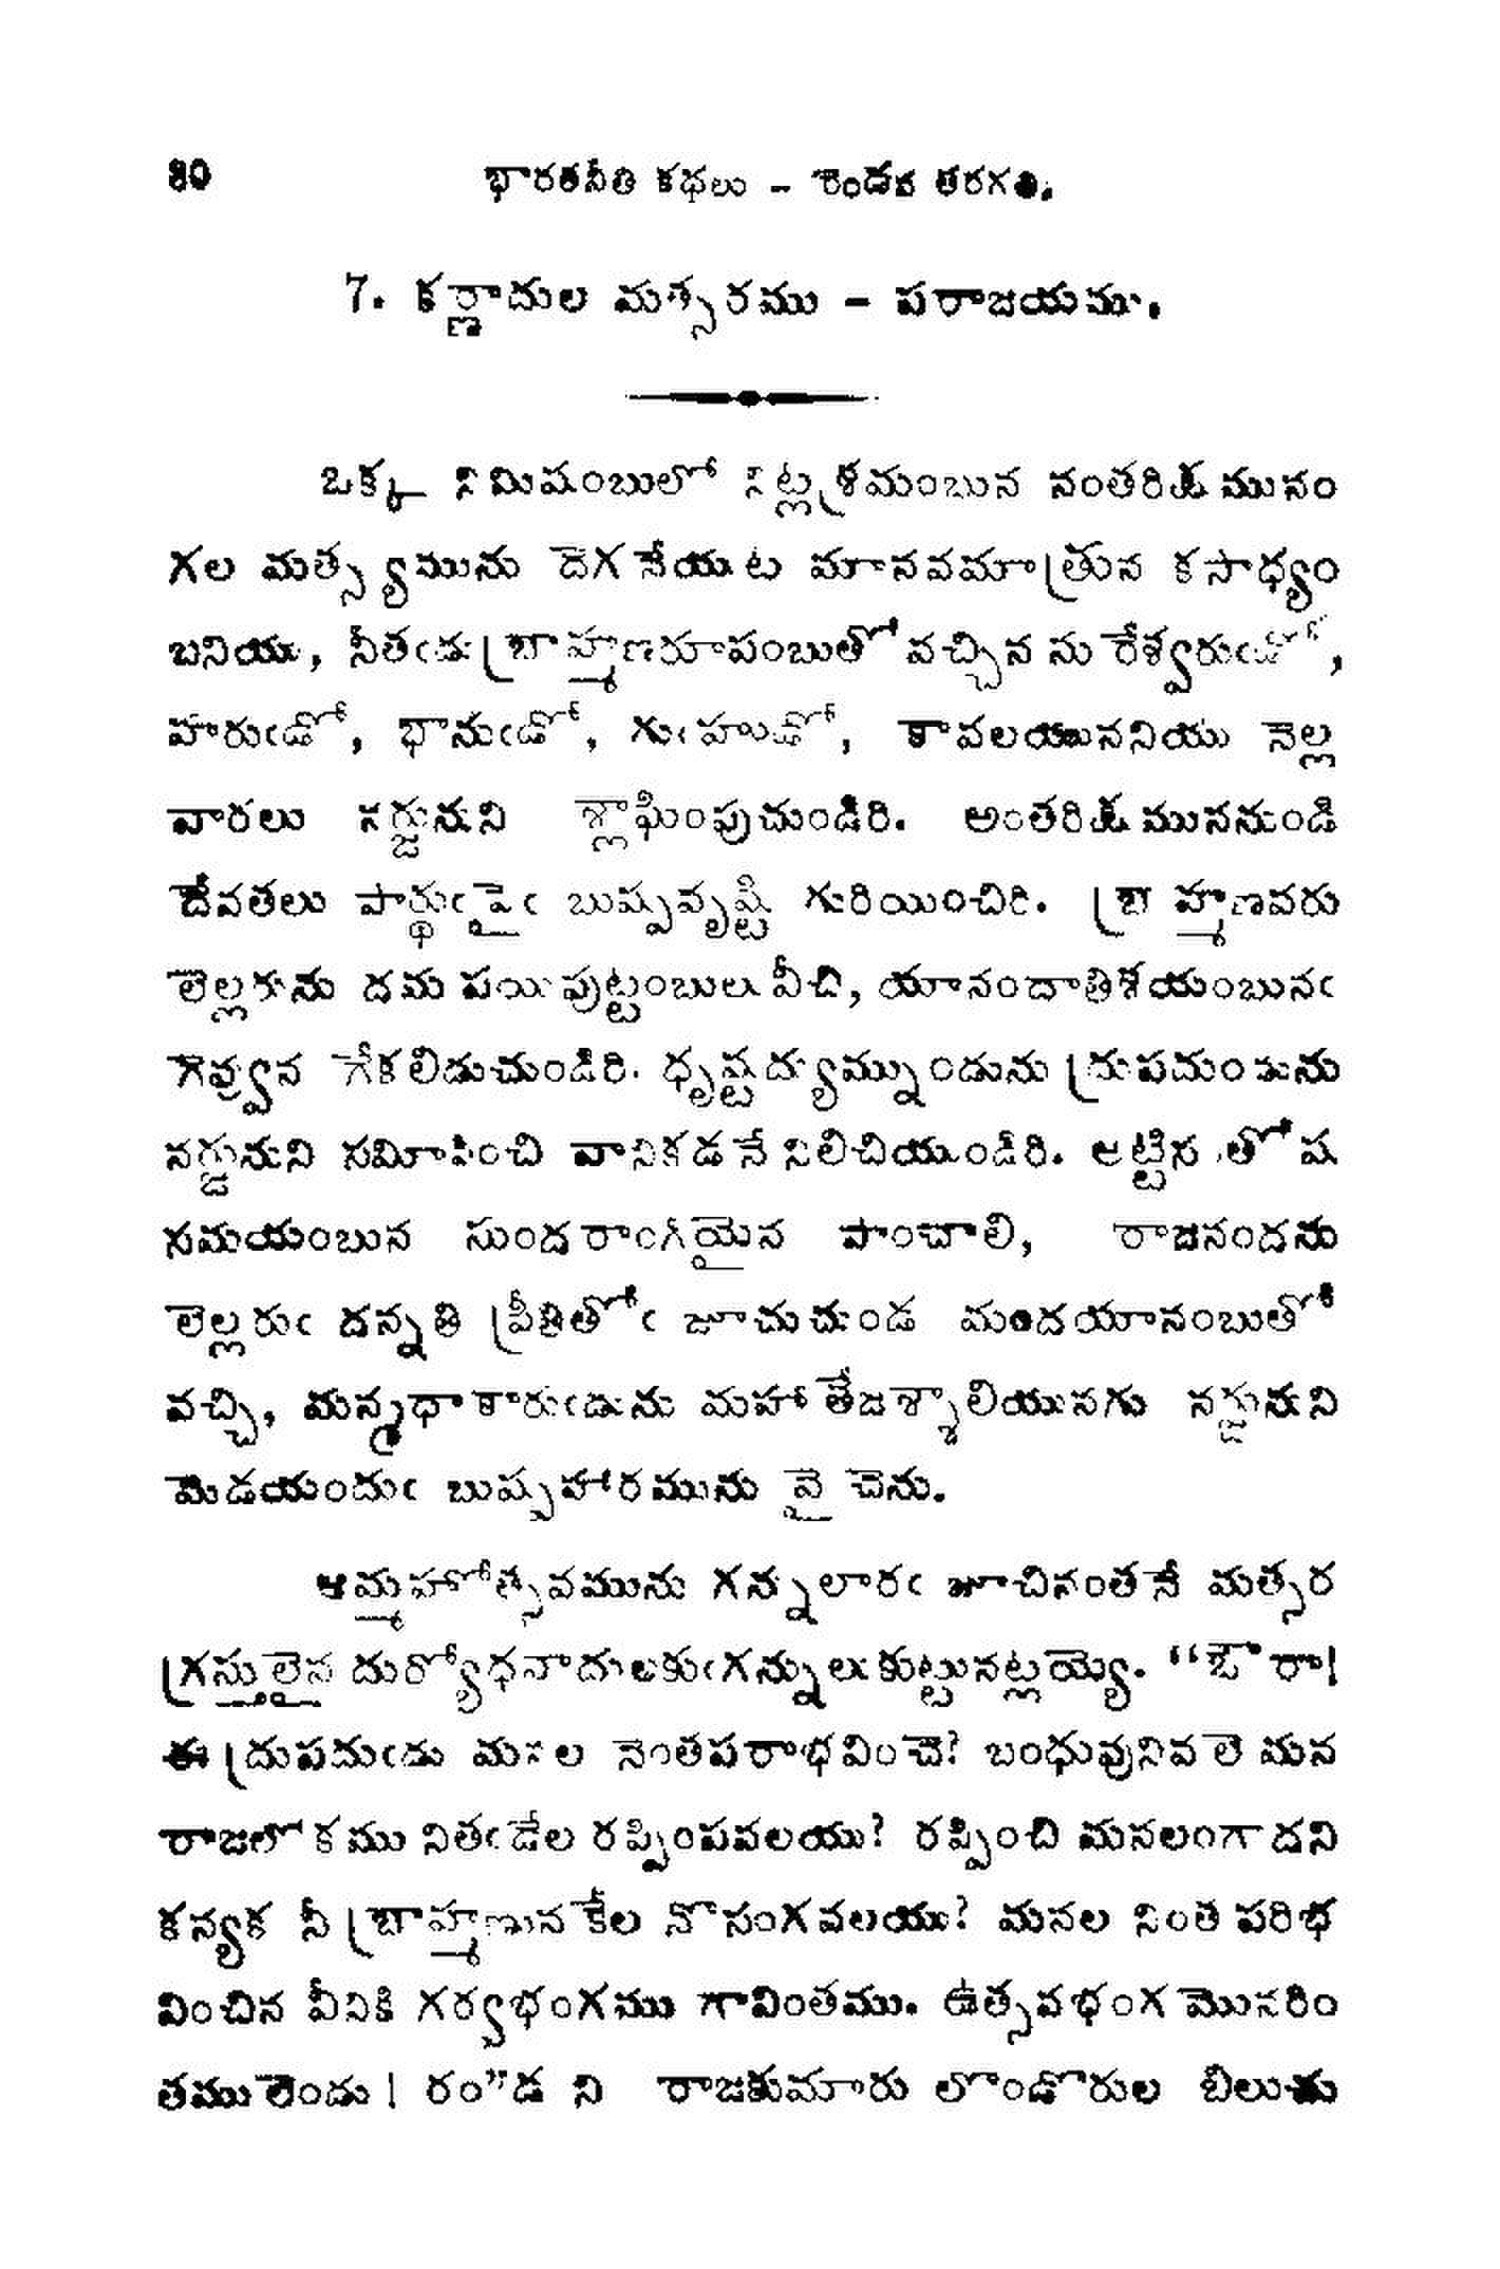ఒక్క నిమిషంబులో కట్ల శ్రమంబున సంతరిత మునం గల మత్స్యమును దెగ నేయ ట మానవమాత్రున కసాధ్యం బనియు , నీతఁడు బ్రాహ్మణరూపంబులో నచ్చిన ను రేశ్వరుఁ " , హరుఁడో, భానుఁడో, గు! హు, కావలయుననియు నెల్ల వారలు సర్జునుని శ్లాఘింపుచుండిరి. అంతరిక్షముననుండి దేవతలు పార్టు పైఁ బుష్పవృష్టి గురియించిరి. ( హణవరు లెల్లకును దమపయి పుట్టంబులు వీచి, యానందాతిశయంబునఁ శివ్వున గేకలీడుచుండిరి. ధృష్టద్యుమ్నుండును క్రుపచుంచును నర్జునుని సమీపించి వానికడ నే సిలిచియుండిరి. అట్టిన ,తోష సమయంబున సుందరాంగియైన పాంచాలి, 'రాజనందను లెల్లరుఁ దన్నతి ప్రీతితోఁ జూచుచుండ మందయానంబుతో వచ్చి, మన్మధాశారుఁడను మహా తేజశ్ళాలియునగు నగునని మెడయందుఁ బుష్పహారమును నై చెను.

ఆమహోత్సవమును గన్నలారఁ జూచినంత నే మత్సర గ్రస్తులైన దుర్యోధనాదులకుఁగన్నులు కుట్టునట్లయ్యె. “ఔరా! ఈ ద్రుపదుఁడు మూల నెంతపరాభవించె? బంధువునివలె మన రాజలోకము నితఁ డేల రప్పింపవలయు? రప్పించి మనలంగా దని కన్యక నీ బ్రాహణున కేల నొసంగవలయు. మనల సింత పరిభ వించిన వీనికి గర్వభంగము గావింతము. ఉత్సవ భంగ మొనరిం తము రెండు ! రం"డని రాజకుమారు లొండొరుల బిలుచు